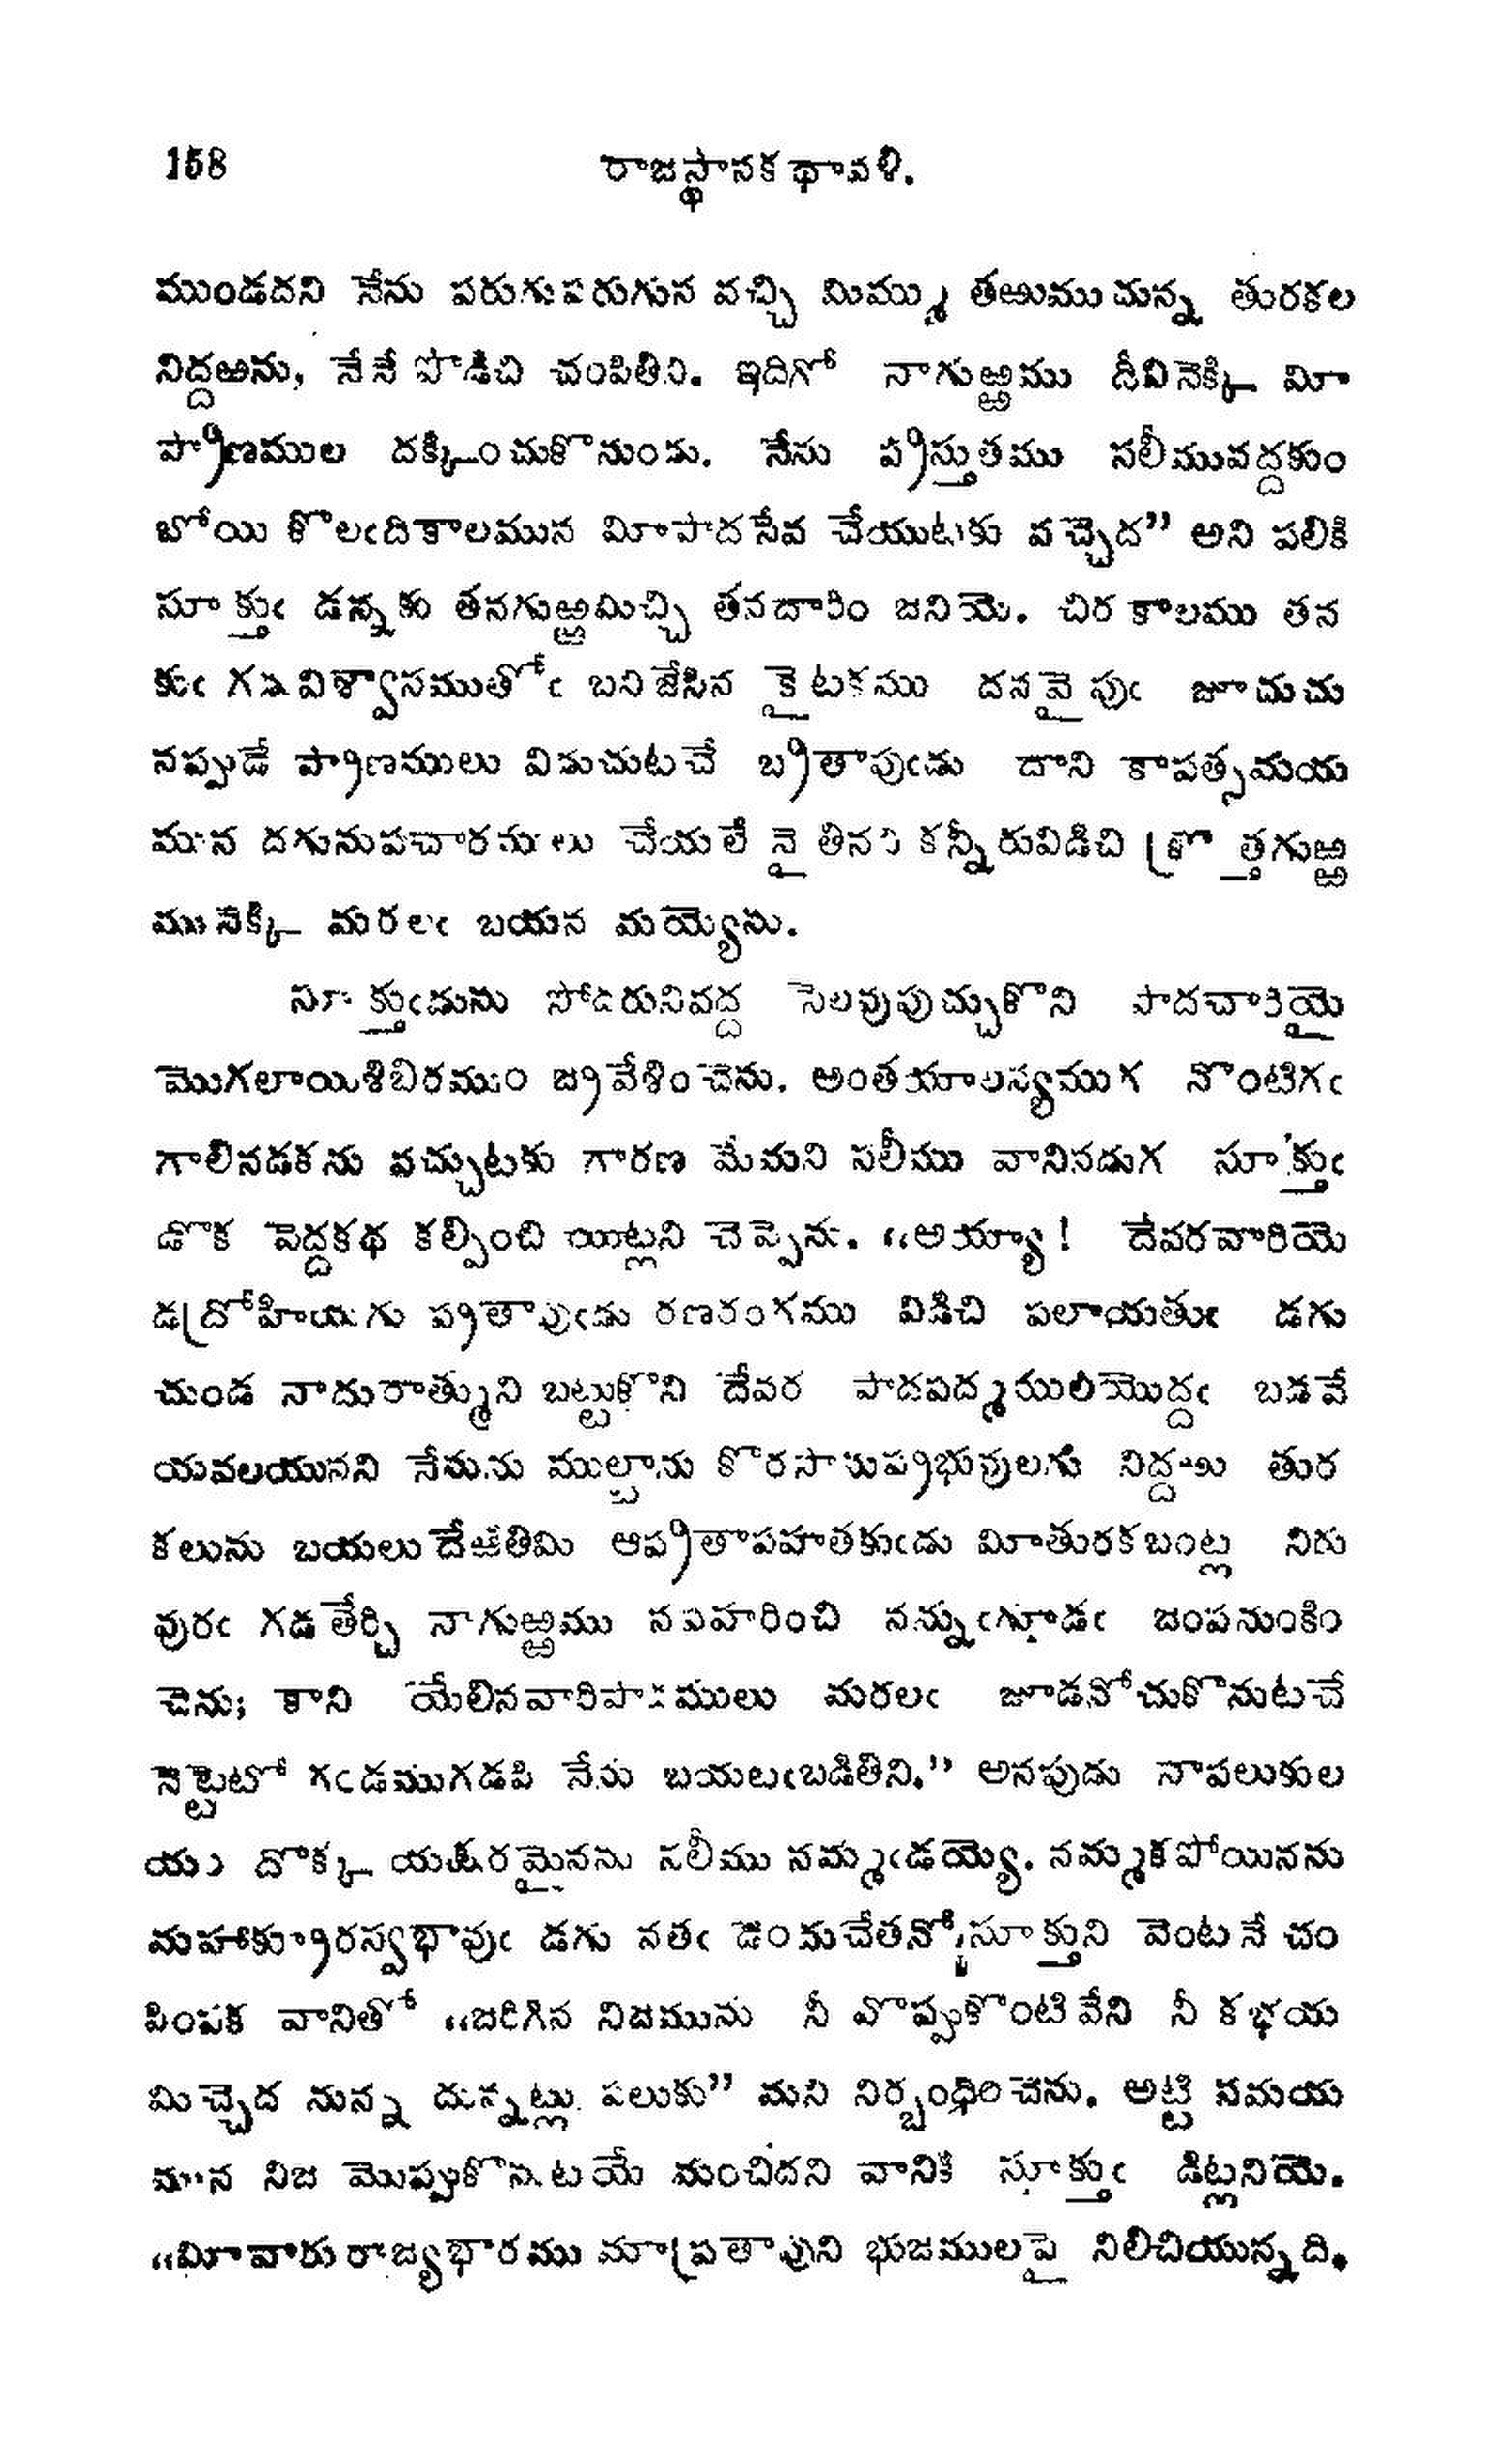ముండదని నేను పరుగుపరుగున వచ్చి మిమ్ము తఱుముచున్న తురకల నిద్దఱను, నేనే పొడిచి చంపితిని. ఇదిగో నాగుఱ్ఱము దీని నెక్కి మీ ప్రాణములు దక్కించుకొనుండు. నేను ప్రస్తుతము సలీమువద్దకుం బోయి కోలఁదికాలమున మీపాద సేవ చేయుటకు వచ్చెద” అని పలికి సూక్తుఁ డన్నకు తనగుఱ్ఱమిచ్చి తన దారిం జనియె. చిరకాలము తనకుఁ గడు విశ్వాసముతోఁ బనిజేసిన కైటకము దన వైపుఁ జూచుచు నప్పుడే ప్రాణములు విడుచుటచే బ్రతాపుఁడు దాని కాపత్సమయమున దగునుపచారములు చేయలే నైతినని కన్నీరువిడిచి క్రోత్త గుఱ్ఱమునెక్కి మరల బయన మయ్యెను.

సూక్తుఁడును సోదరునివద్ద సెలవుపుచ్చుకొని పాదచారియై మొగలాయిశిబిరముం బ్రవేశించెను. అంత యాలస్యముగ నొంటిగఁ గాలినడకను వచ్చుటకు గారణ మేమని సలీము వానినడుగ సూక్తుఁడొక పెద్దకథ కల్పించి యిట్లని చెప్పెను. "అయ్యా ! దేవరవారియెడద్రోహియగు ప్రతాపుఁడు రణరంగము విడిచి పలాయతుఁ డగు చుండ నాదురాత్ముని బట్టుకొని 'దేవర పాదపద్మముల యొద్దఁ బడవేయవలయునని నేనును ముల్తాను కొరసానుప్రభువులగు నిద్దలు తురకలును బయలు దేఱితిమి. ఆప్రతాపహతకుఁడు మీతురక బంట్ల నిరువురఁ గడ తేర్చి నాగుఱ్ఱము నపహరించి నన్నుఁగూడఁ జంప నుంకించెను.కాని యేలినవారిపాదములు మరలఁ జూడ నోచుకొనుటచే నెట్టెటో గఁడముగడపి నేను బయటఁబడితిని,” అనపుడు నాపలుకుల యం దోక్క యకరమైనను సలీము నమ్మఁడయ్యె. నమ్మక పోయినను మహాక్రూర స్వభావుఁ డగు నతఁడెందు చేతనో సూక్తుని వెంటనే చంపింపక వానితో "జరిగిన నిజమును నీ వొప్పుకొంటివేని నీ కభయ మిచ్చెద నున్న దున్నట్లు, పలుకు” మని నిర్బంధించెను. అట్టి సమయమున నిజ మొప్పుకొనుటయే మంచిదని వానికి సూక్తుఁ డిట్లనియె. “మీవారు రాజ్యభారము మా ప్రతాపుని భుజముల పై నిలిచియున్నది.